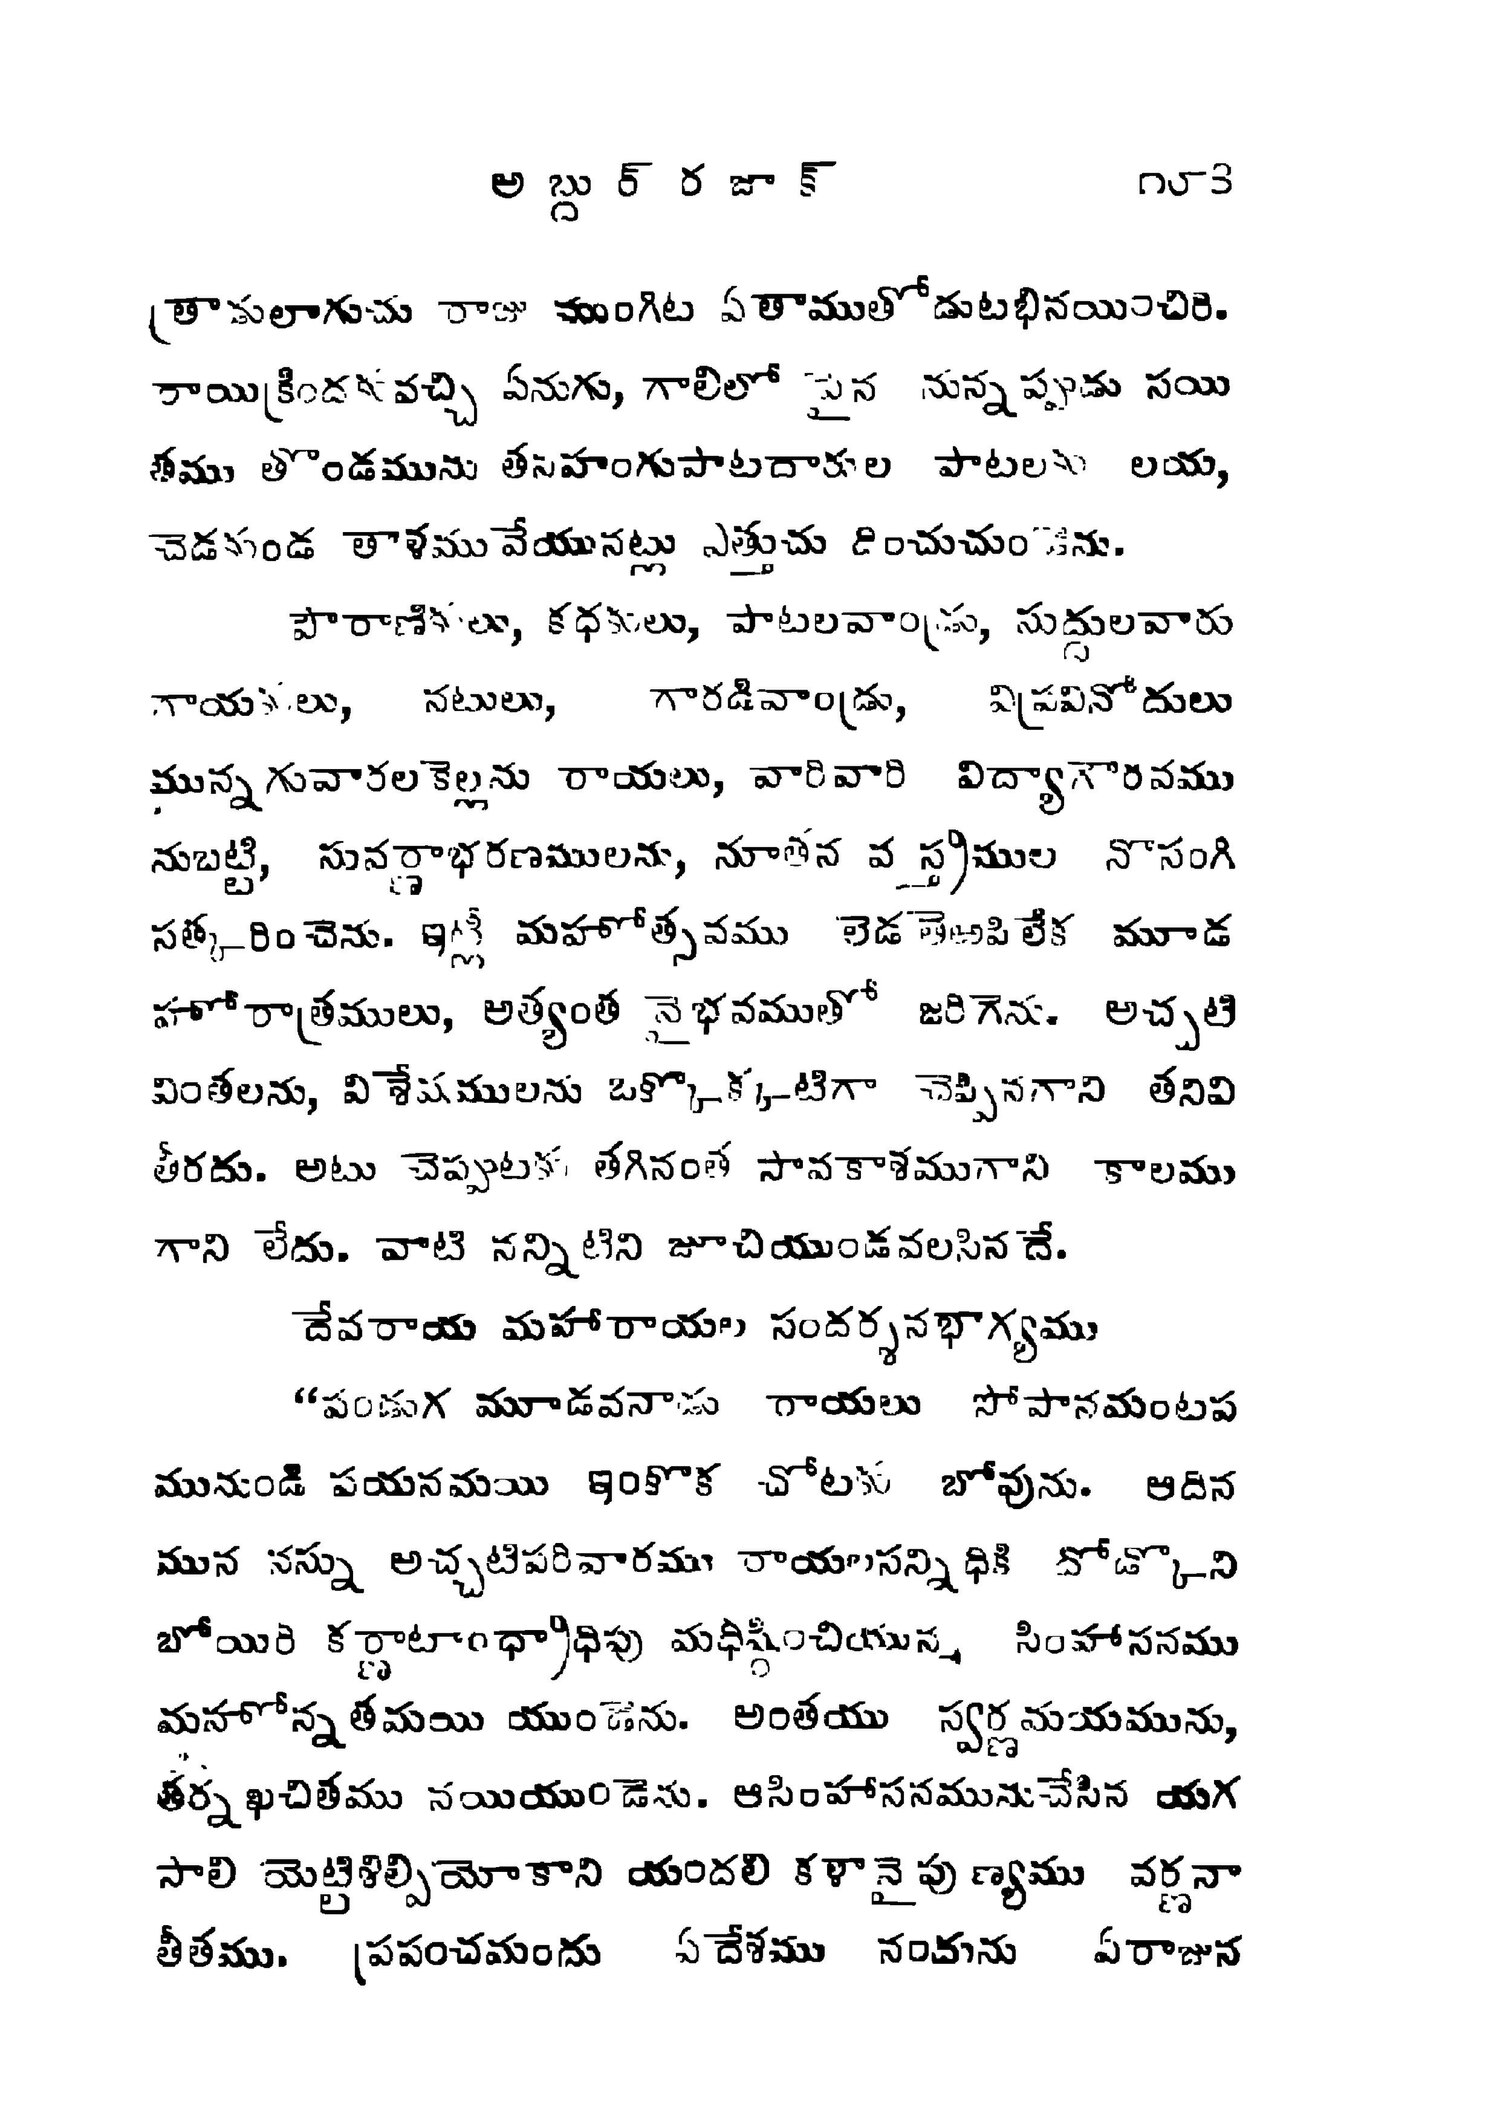త్రాడులాగుచు రాజు ముంగిట ఏతాము తోడుటభినయించిరి. రాయిక్రిందకువచ్చి ఏనుగు, గాలిలో పైన నున్నప్పుడు సయితము తొండమును తనహంగుపాటదారుల పాటలకు లయ, చెడకుండ తాళము వేయునట్లు ఎత్తుచు దించుచుండెను.

పౌరాణికులు, కధకులు, పాటలవాండ్రు, సుద్దులవారు గాయకులు, నటులు, గారడివాండ్రు, విప్రవినోదులు మున్నగువారలకెల్లను రాయలు, వారివారి విద్యాగౌరవమునుబట్టి, సువర్ణాభరణములను, నూతన వస్త్రముల నొసంగి సత్కరించెను. ఇట్లీ మహోత్సవము లెడతెఱపిలేక మూడహోరాత్రములు, అత్యంత వైభవముతో జరిగెను. అచ్చటి వింతలను, విశేషములను ఒక్కొక్కటిగా చెప్పినగాని తనివి తీరదు. అటు చెప్పుటకు తగినంత సావకాశముగాని కాలముగాని లేదు. వాటి నన్నిటిని జూచియుండవలసినదే.

"పండుగ మూడవనాడు రాయలు సోపానమంటపమునుండి పయనమయి ఇంకొక చోటకు బోవును. ఆదినమున నన్ను అచ్చటిపరివారము రాయలసన్నిధికి దోడ్కొనిబోయిరి కర్ణాటాంధ్రాధిపు మధిష్టించియున్న, సింహాసనము మహోన్నతమయి యుండెను. అంతయు స్వర్ణమయమును, రత్నఖచితము నయియుండెను. ఆసింహాసనమును చేసిన యగసాలి యెట్టిశిల్పియోకాని యందలి కళానైపుణ్యము వర్ణనాతీతము. ప్రపంచమందు ఏదేశము నందును ఏరాజున